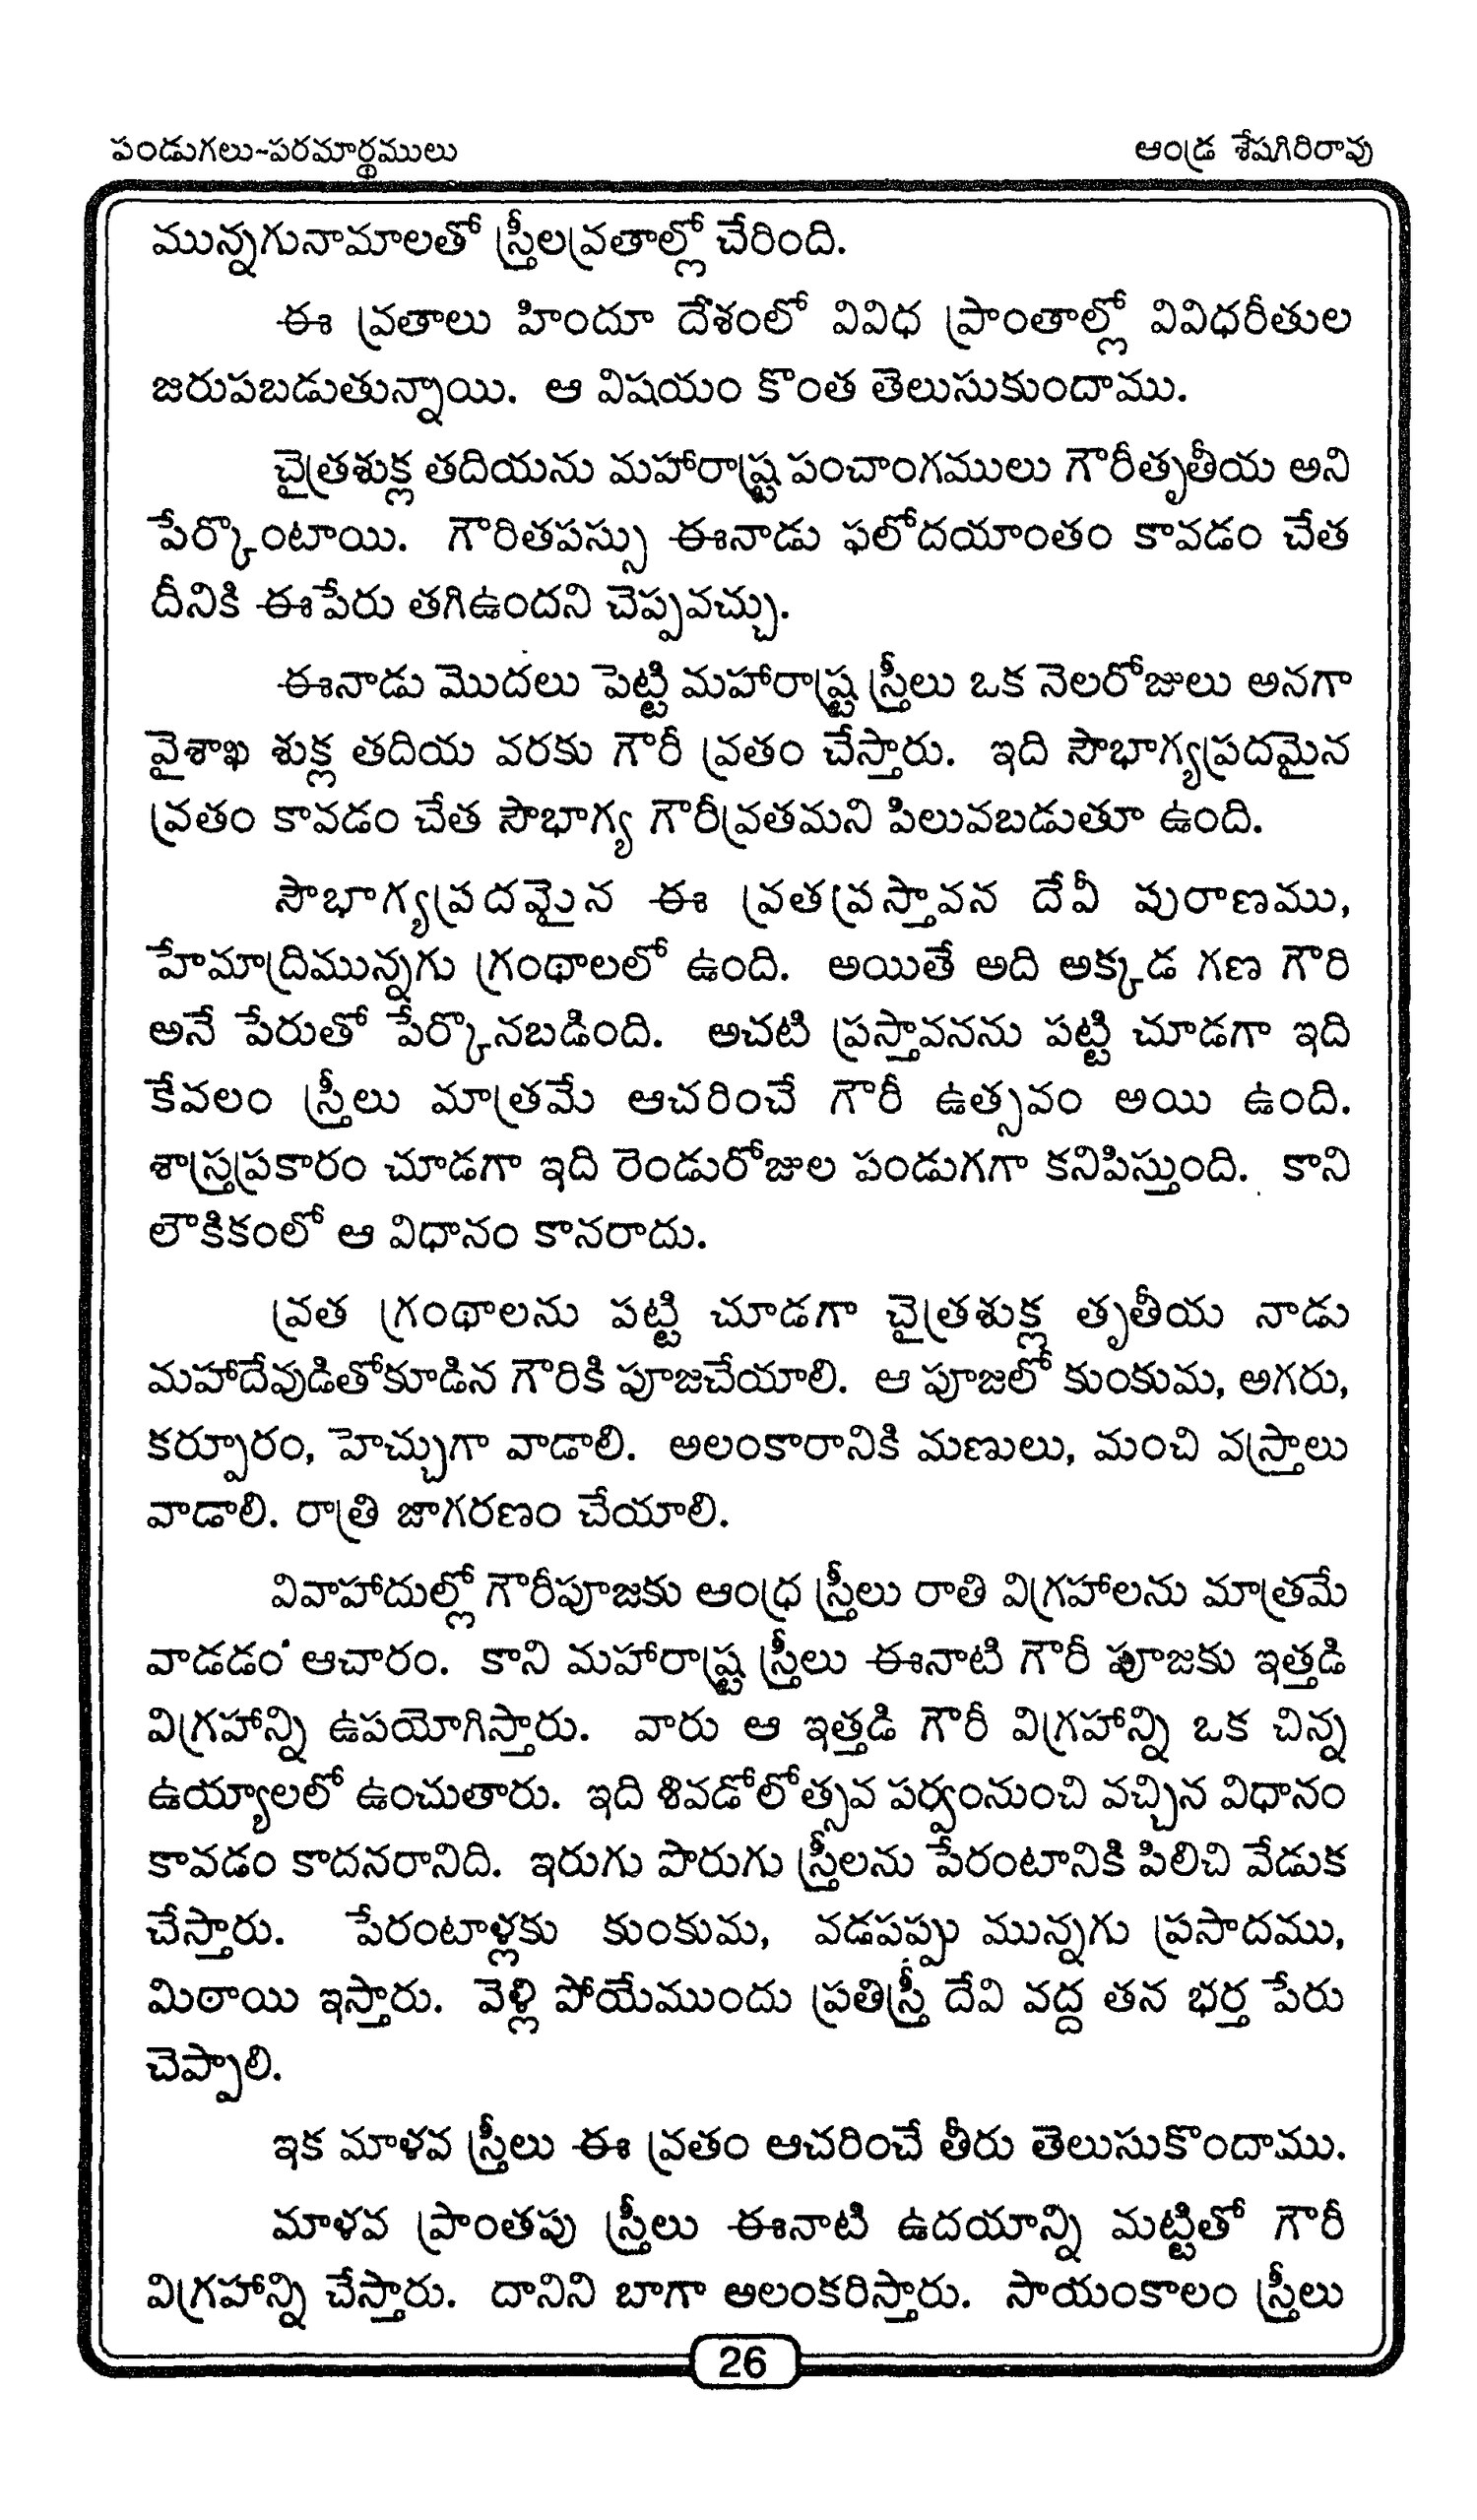మున్నగు నామాలతో స్త్రీల వ్రతాల్లో చేరింది.

ఈ వ్రతాలు హిందూ దేశంలో వివిధ ప్రాంతాల్లో వివిధరీతుల జరుపబడుతున్నాయి. ఆ విషయం కొంత తెలుసుకుందాము.

చైత్ర శుక్ల తదియను మహారాష్ట్ర పంచాంగములు గౌరీ తృతీయ అని పేర్కొంటాయి. గౌరి తపస్సు ఈనాడు ఫలోదయాంతం కావడం చేత దీనికి ఈపేరు తగిఉందని చెప్పవచ్చు. 

ఈనాడు మొదలుపెట్టి మహారాష్ట్ర స్త్రీలు ఒక నెలరోజులు అనగా వైశాఖ శుక్ల తదియ వరకు గౌరీ వ్రతం చేస్తారు. ఇది సౌభాగ్యప్రదమైన వ్రతం కావడం చేత సౌభాగ్య గౌరీవ్రతమని పిలువబడుతూ ఉంది.

సౌభాగ్యప్రదమైన ఈ వ్రతప్రస్తావన దేవీ పురాణము, హేమాద్రి మున్నగు గ్రంథాలలో ఉంది. అయితే అది అక్కడ గణ గౌరి అనే పేరుతో పేర్కొనబడిణ్ది. అచటి ప్రస్తావనను పట్టి చూడగా ఇది కేవలం స్త్రీలు మాత్రమే ఆచరించే గౌరీ ఉత్సవం అయి ఉంది. శాస్త్రప్రకారం చూడగా ఇది రెండురోజుల పండుగగా కనిపిస్తుంది. కాని లౌకికంలో ఆ విధానం కానరాదు.

వ్రత గ్రంథాలను పట్టి చూడగా చైత్ర శుక్ల తృతీయ నాడు మహాదేవుడితో కూడిన గౌరికి పూజచేయాలి. ఆ పూజలో కుంకుమ, అగరు, కర్పూరం హెచ్చుగా వాడాలి. అలంకారానికి మణులు, మంచి వస్త్రాలు వాడాలి. రాత్రి జాగరణం చేయాలి. 

వివాహాదుల్లో గౌరీపూజకు ఆంధ్ర స్త్రీలు రాతి విగ్రహాలను మాత్రమే వాడడం ఆచారం. కాని మహారాష్ట్ర స్త్రీలు ఈనాటి గౌరీ పూజకు ఇత్తడి విగ్రహాన్ని ఉపయోగిస్తారు. వాడు ఆ ఇత్తడి గౌరీ విగ్రహాన్ని ఒక చిన్న ఉయ్యాలలో ఉంచుతారు. ఇది శివడోలోత్సవ పర్వంనుంచి వచ్చిన విధానం కావడం కాదనరానిది. ఇరుగు పొరుగు స్త్రీలను పేరంటానికి పిలిచి వేడుక చేస్తారు. పేరంటాళ్లకు కుంకుమ, వడపప్పు మున్నగు ప్రసాదము, మిఠాయి ఇస్తారు. వెళ్లి పోయేముందు ప్రతి స్త్రీ దేవి వద్ద తన భర్త పేరు చెప్పాలి. 

ఇక మాళవ స్త్రీలు ఈ వ్రతం ఆచరించే తీరు తెలుసుకొందాము. 

మాళవ ప్రాంతపు స్త్రీలు ఈనాటి ఉదయాన్ని మట్టితో గౌరీ విగ్రహాన్ని చేస్తారు. దానిని బాగా అలంకరిస్తారు. సాయంకాలం స్త్రీలు